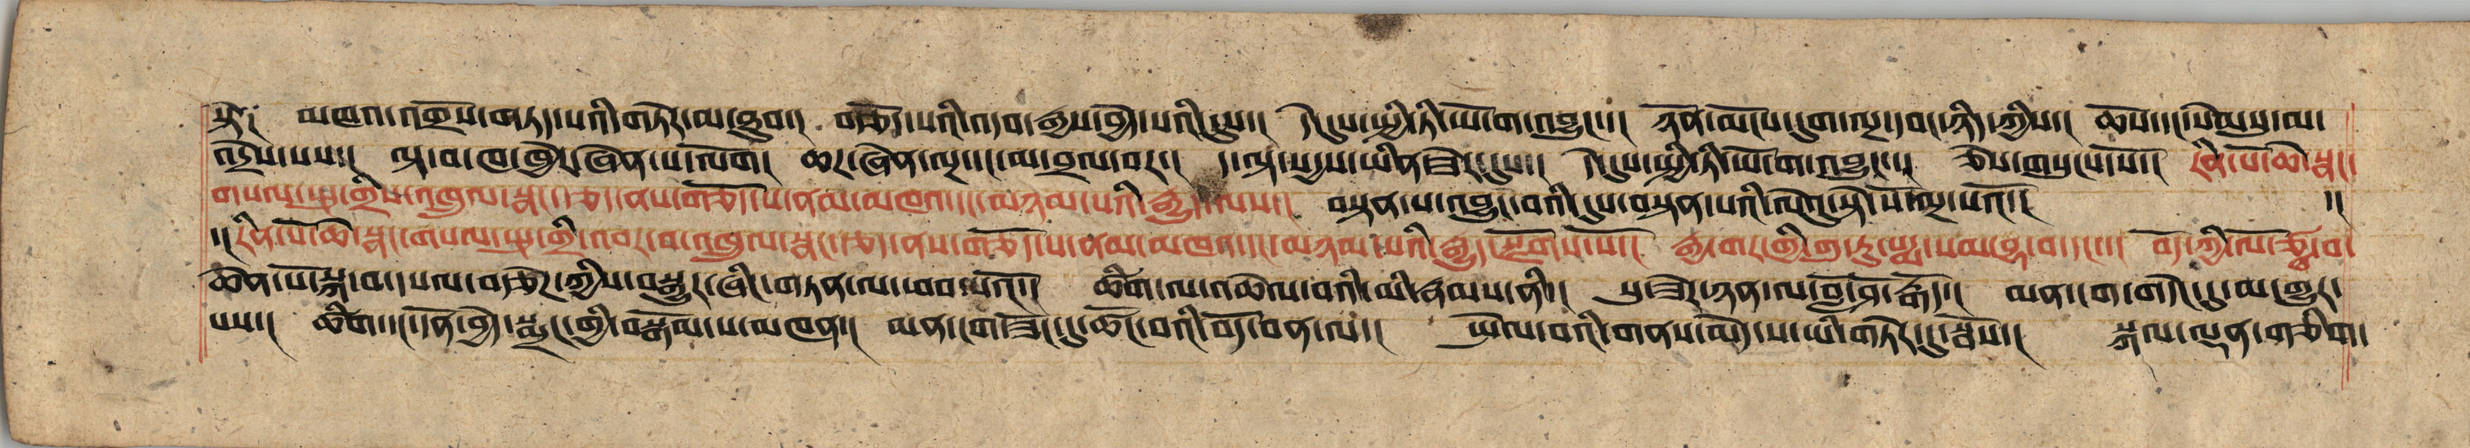སྟེ༑ མཁའ་འགྲོས་གཏད་པའི་གཏེར་མ་ཐུབ་། གཅོད་པའི་འདབ་རྒྱས་བྱེད་པའི་དུས་། དེ་དུས་སྤྱི་ཏི་ཡོ་ག་འབྱུང་་། ཉོན་མོངས་དུག་ལྔ་དབང་ཉིད་ཀྱིས་། ཆོས་དང་སེམསུ་མ་
འདྲེས་པས་། ལྟ་བ་ཁ་ཁྱེར་ཞེན་པ་ལོག། ཆར་ཞེན་ལྔ་དང་མ་བྲལ་བར་། ད་ལྟ་སདྱས་ཡིན་ཟེར་དུས་། དེ་དུས་སྤྱི་ཏི་ཡོ་ག་འབྱུང་། ཅེས་གསུངས་སོ་། རིན་པོ་ཆེ་སྣང་
གསལ་སྤུ་གྲིས་འཁྲུལ་སྣང་རྩད་ནས་གཅོད་པ་ནམ་མཁའ་དང་མཉམ་པའི་རྒྱུད་ལས་། བསྟན་པ་འབྱུང་བའི་དུས་བསྟན་པའི་ལེའུ་སྟེ་སོ་ལྔ་པའོ་།
་།རིན་པོ་ཆེ་སྣང་གསལ་སྤུ་གྲི་འབར་བ་འཁྲུལ་སྣང་རྩད་ནས་གཅོད་པ་ནམ་མཁའ་དང་མཉམ་པའི་རྒྱུད་སྫོགས་སོ་། རྒྱ་གར་གྱི་གུ་རུ་པདྨ་སམ་བྷ་བ་དང་་། བོད་ཀྱི་ལོ་ཙཱ་བ་
ཆེན་པོ་སྐ་བ་དཔལ་བརྩེཌ་ཀྱིས་བསྒྱུར་ཞིང་གཏན་ལ་ཕབ་པའོ་། ཚིག་ལ་འཆེལ་བའི་མི་རྣམས་ནི་། སུ་ཟེར་ཉན་ལ་བློ་ཤོ་རྒོད་། མན་ངག་གདེང་དུ་མ་གྱུར་
པས་། ཚིག་དང་དོན་བྱེད་སྨྲང་གྱི་བསྒོམ་པ་མཁན་། མན་ངག་ཟོང་དུ་ཚོང་བའི་བོད་བན་ལ་། སྤེལ་བའི་གནས་མེད་ས་ཡི་གཏེར་དུ་སྦོས་། སྐལ་ལྡན་གཅིག་